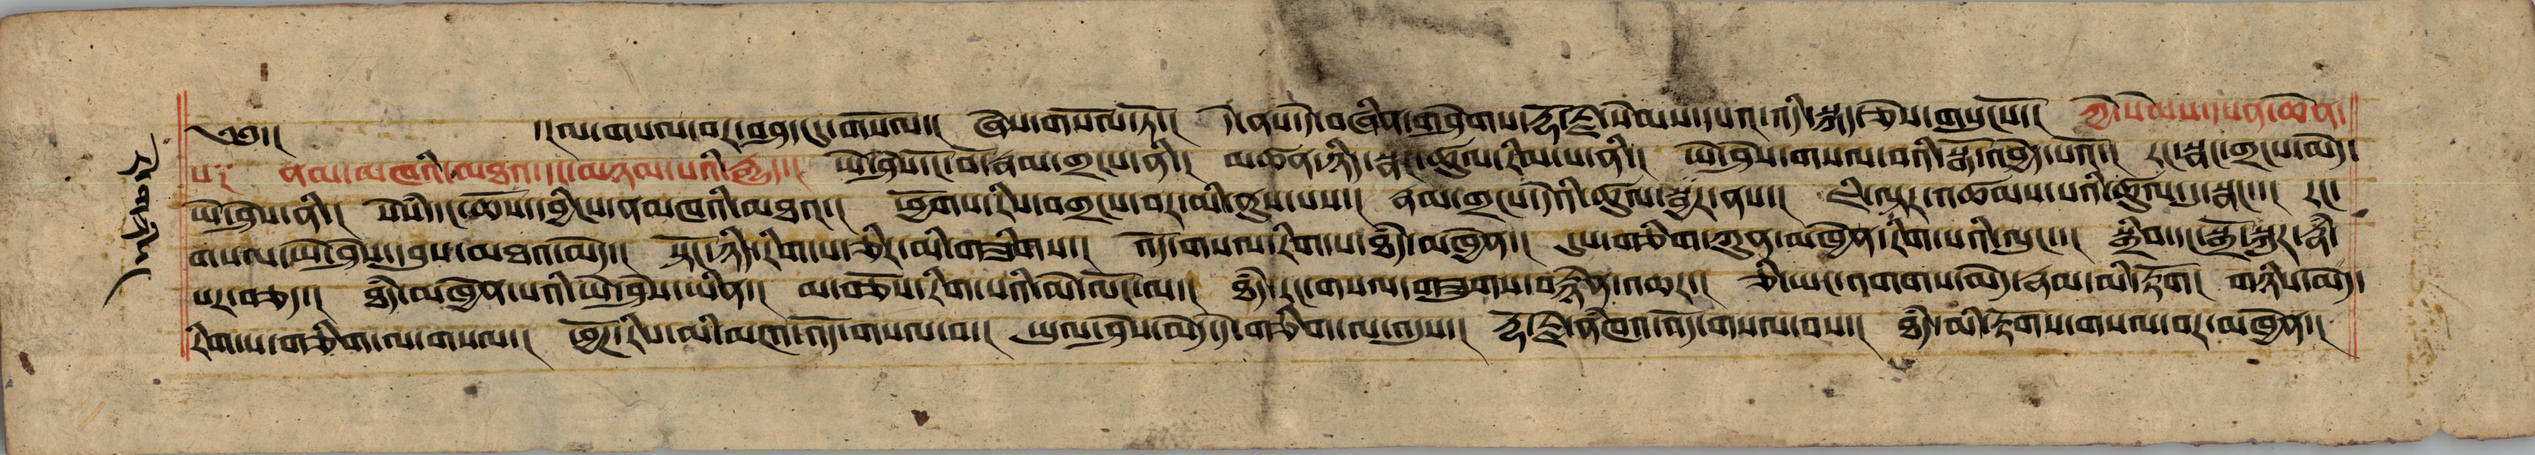༄༅་། ་།ལ་གསལ་བར་བཤད་དུ་གསོལ་། ཞེས་གསོལ་ཏོ་། དེ་ནས་དེ་བཞིན་གཤེགས་རྡོ་རྗེ་སེམས་དཔའ་འདི་སྐད་ཅེས་གསུངསོ་། ཀྱེ་སེམས་དཔའ་ཆེན་
པ༑ ནམ་མཁའི་མཐའ་དང་མཉམ་པའི་རྒྱུད་། ཡེ་ཤེས་ངོ་བོ་རྣམ་གྲངས་ནི་། མཚན་ཉིད་སྣང་ཚུལ་རིམ་པ་ནི་། ཡེ་ཤེས་གསལ་བའི་སྒོ་འབྱེད་པའོ་། རང་སྣང་གྲངས་མེད་
ཡེ་ཤེས་ནི་། སེཾས་དང་ཆོས་དབྱིངས་ནམཁའི་མཐའ་། ཕྱོགས་རིས་བགྲངས་བར་མི་ནུས་པས་། རྣམ་གྲངས་དེའི་ཚུལ་སྦྱར་ནས་། ཇི་ལྟར་འཚམས་པའི་ཚུལ་དུ་སྣང་་། རང་
གསལ་ཡེ་ཤེས་དབུས་མཐའ་མེད་། སྟོང་ཉིད་རིག་པ་ཅིར་མི་གཟིགས་། འོད་གསལ་རིག་པ་ཐཾད་མཁྱེན་། དུས་གཅིག་ཀུན་མཁྱེན་རིག་པའི་ལུང་་། སྒྲིབ་དང་སྒྲོ་སྐུར་རྣཾ་
པར་བཅད་། ཐཾད་མཁྱེན་པའི་ཡེ་ཤེས་ཡིན་། མ་བཅོས་རིག་པའི་མེ་ལོང་ལ་། ཐཾད་རང་གསལ་གཟུགས་བརྙེན་འཆར་། ཅི་ཡང་འགགས་མེད་རྣམ་མི་རྟོག། གཉིས་མེད་
རིག་པ་གཅིག་ལ་གསོལ་། ཕྱོཌ་རིས་མི་མངའ་འོད་གསལ་བ་། ཡུལ་ཤེས་མེད་དེ་གཅིག་ལ་འདུས་། རྡོ་རྗེ་ནཾཁའ་འོད་གསལ་བས་། ཐཾད་མི་རྟོགས་གསལ་བར་མཁྱེན་།